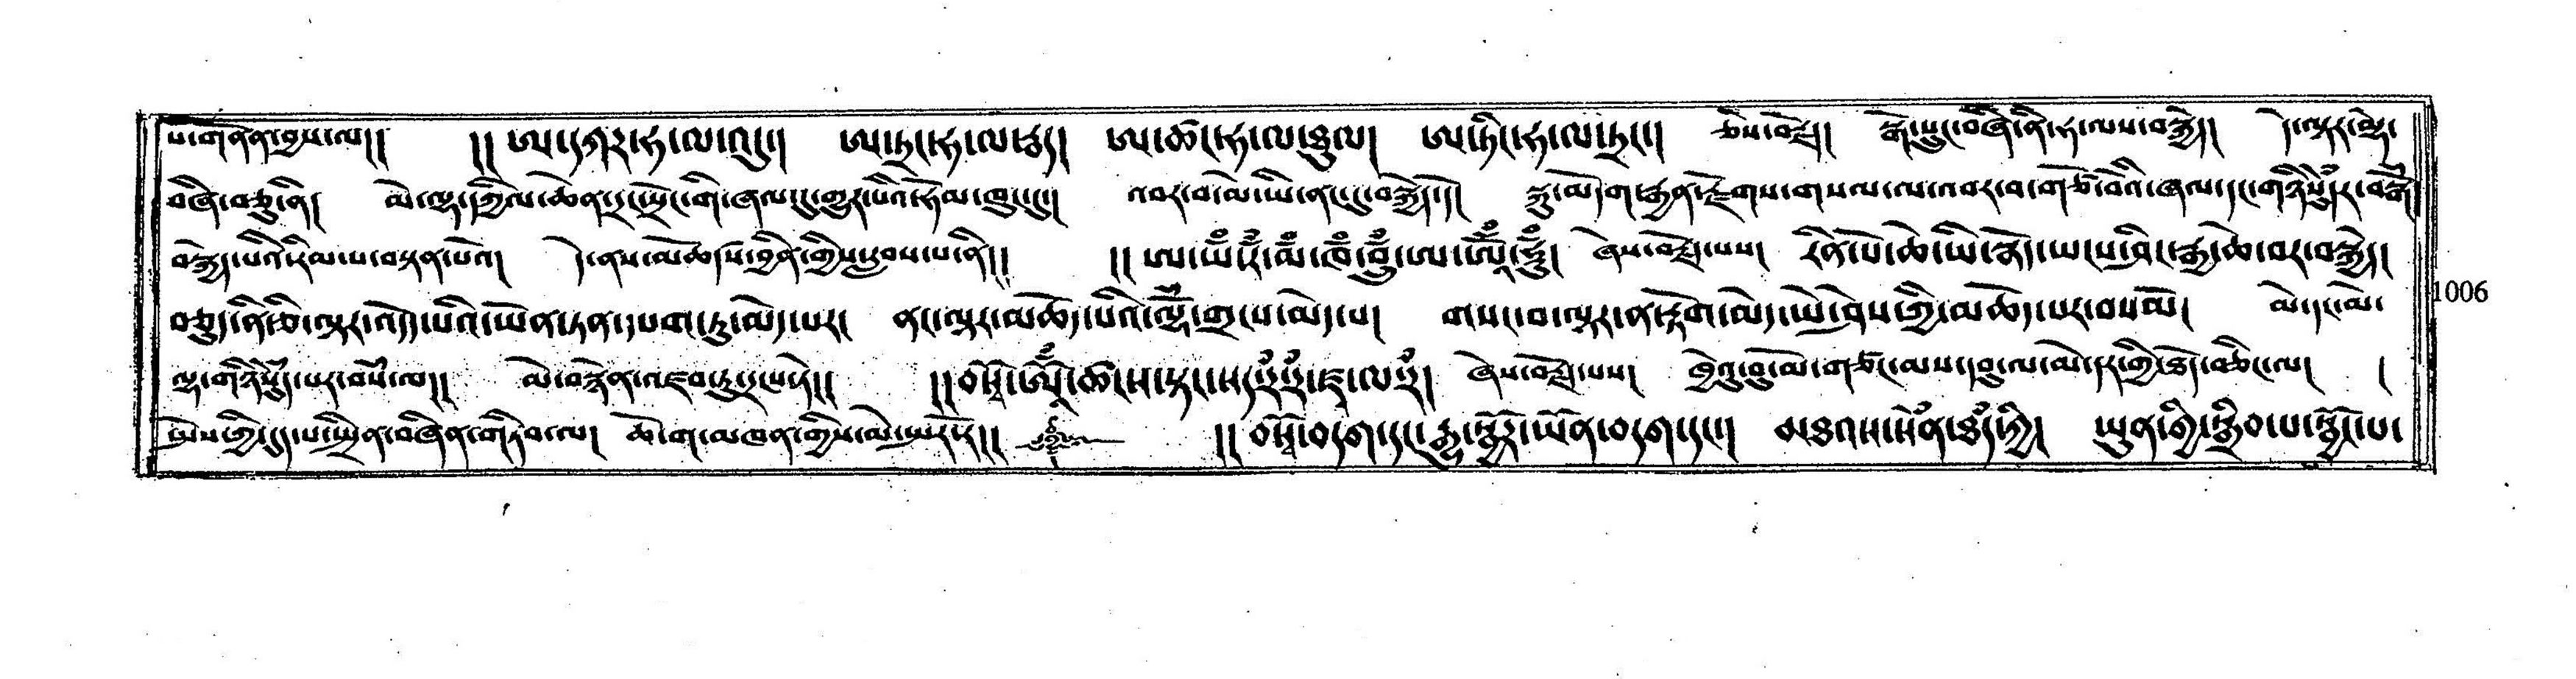ས་གནོན་བྱས་ལ།། །།ཨ་དཀར་ཧ་ལ་འདུ། ཨ་ཏྲང་ཧ་ལ་རྦད། ཨ་ཚང་ཧ་ལ་ཐུལ། ཨ་ཏིང་ཧ་ལ་ཏྲང་། ཅེས་བརྗོད། སྒོ་སྲུང་བཞི་ནི་ཧ་ལས་བསྐྱེད། དེ་ལྟར་མེ་ལྷ་
བཞི་བཅུ་ནི། མེ་ལྷ་དཀྱིལ་ཆེན་དྲང་སྲོང་གི་ཞལ་དུ་གྱུར་པའི་ཧོམ་ཁུང་དུ། འབར་བ་མེ་ཡི་ནང་དུ་བསྐྱེད་དོ། སྐུ་མདོག་རྒྱན་རྫོགས་གསལ་ལ་འབར་བ་གཙོ་བོའི་ཞལ་དང་གཉིས་སུ་མེད་པར་བསྒོམ་
བསྐྱེད་པའི་རིམ་པ་བསྟན་པའོ། དེ་ནས་མཆོད་རྫས་བྱིན་གྱིས་རླབས་པ་ནི།། །།ཨ་ཡྃ་རྃ་མྃ་ཁྃ་བྲུྃ་ཨ་ཨཱོཾ་ཧཱུྃ། ཞེས་བརྗོད་པས། རིན་པོ་ཆེ་ཡི་སྣོད་ཡངས་ཤིང་རྒྱ་ཆེ་བར་བསྐྱེད། 
བཅུད་ནི་ཅི་ལྟར་འདོད་པའི་ཡོན་ཏན་དཔག་ཏུ་མེད་པར། ནང་ལྟར་མཆོད་པའི་ལྷ་མོ་གྲངས་མེད་པ། གསང་བ་ལྟར་ན་རྟོག་མེད་ཡེ་ཤེས་ཀྱི་མཆོད་པར་བསམ་མོ། མེ་དང་མེ་
ལྷ་གཉིས་སུ་མེད་པར་བསམ་ལ།། མེ་བསྙེན་འཛབ་ཏུ་དྲངས་ཏེ།། །།བསྭོ་ཨཱོཾ་ཚངས་སྟང་སད་རཾ་རཾ་ཛྭ་ལ་རཾ། ཞེས་བརྗོད་པས། ཁྱེའུ་བུ་མོ་གཙང་མས་དབུ་ལ་མེ་དར་གྱི་ཐོད་བཅིང་ལ། 
སྤོས་ཀྱི་དུད་པ་སྤྲིན་བཞིན་གཏིབ་ལ། ཆོ་ག་མཁན་གྱིས་མེ་སྤར་རོ།། །།བསྭོ་བདག་དང་རྒྱུ་སྦྱོར་ཡོན་བདག་དང་། མཐའ་ཡས་སེམས་ཅན་ཐམས་ཅད་ཀྱི། ཡུན་གྱི་སྒྲིབ་པ་སྦྱོང་པ་